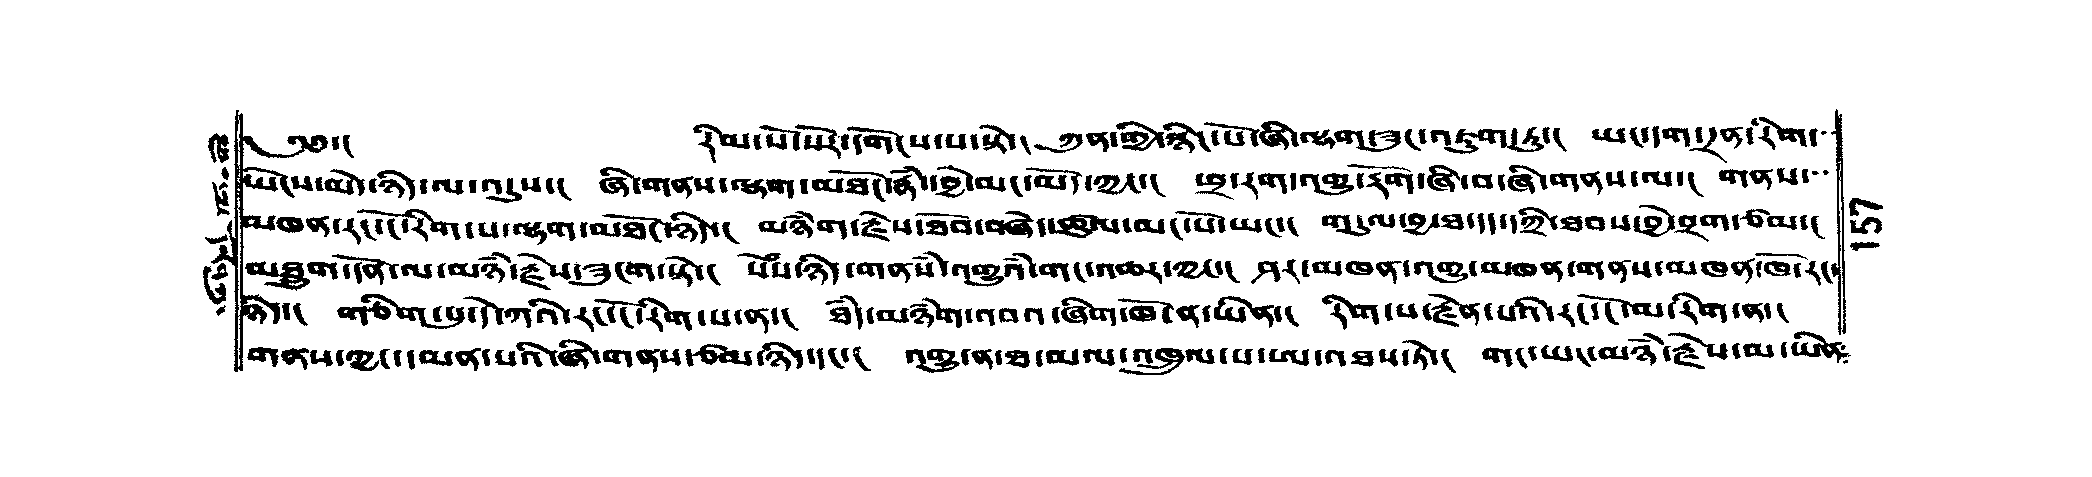རིམ་སོ་སོར་དགོངས་པ་སྟེ། །ཀུན་གྱི་སྙིང་པོ་ཞི་ལྷག་ཟུང་འཇུག་ཏུ། །ཡང་དག་དྲན་རིག་
ཡེངས་མེད་ཉིད་ལ་འདུས། །ཞི་གནས་ལྷག་མཐོང་རྣམ་དབྱེ་མང་མོད་ཀྱང་། །ཕྲ་རགས་འགྱུ་རྟོག་ཞི་བ་ཞི་གནས་ལ། །གནས་
མཁན་རང་ངོ་རིག་པ་ལྷག་མཐོང་ཉིད། །མཉམ་གཞག་རྗེས་ཐོབ་བཞེད་ཚུལ་མང་པོ་ཡང་། །གདུལ་བྱ་ཐ་དད་དཀྲི་ཐབས་བྱེ་བྲག་ཙམ། 
མཐར་ཐུག་དོན་ལ་མཉམ་རྗེས་ཟུང་འཇུག་སྟེ། །སེམས་ཉིད་གནས་སམ་འགྱུའམ་གང་འཆར་ཀྱང་། །ཤར་མཁན་འགྱུ་མཁན་གནས་མཁན་ཁོ་རང་
ཉིད། །གཅིག་པུ་དེ་ཀའི་རང་ངོ་རིག་པ་ན། །ཐམས་ཅད་མཉམ་གཞག་འབའ་ཞིག་ཁོ་ན་ཡིན། །རིག་པ་རྗེན་པའི་རང་ངོ་མ་རིག་ན། །
གནས་ཀྱང་དམན་པའི་ཞི་གནས་ཙམ་ཉིད་དང་། །འགྱུ་ན་ཐ་མལ་འཁྲུལ་པ་ཨ་འཐས་ཏེ། །གང་ཡང་མཉམ་རྗེས་མ་ཡིན་